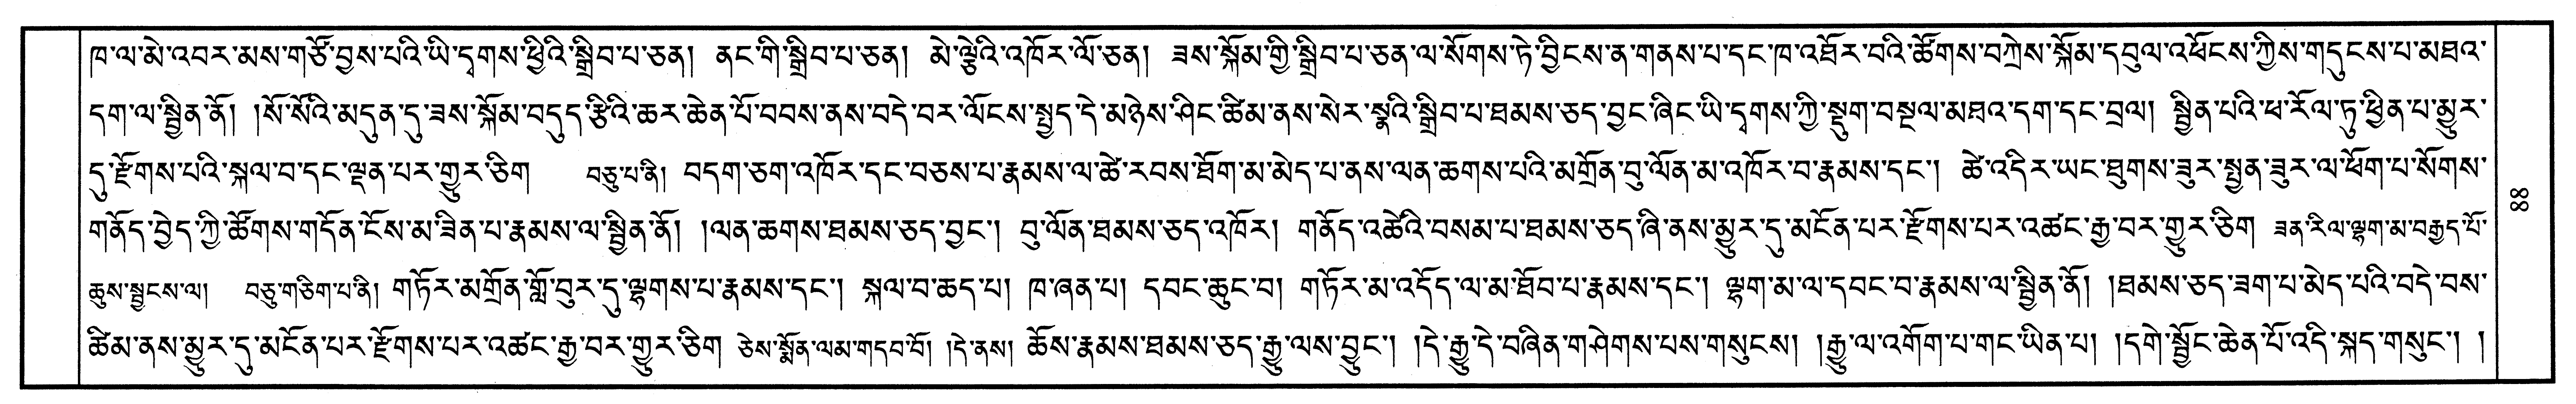ཁ་ལ་མེ་འབར་མས་གཙོ་བྱས་པའི་ཡི་དྭགས་ཕྱིའི་སྒྲིབ་པ་ཅན། ནང་གི་སྒྲིབ་པ་ཅན། མེ་ལྕེའི་འཁོར་ལོ་ཅན། ཟས་སྐོམ་གྱི་སྒྲིབ་པ་ཅན་ལ་སོགས་ཏེ་བྱིངས་ན་གནས་པ་དང་ཁ་འཐོར་བའི་ཚོགས་བཀྲེས་སྐོམ་དབུལ་འཕོངས་ཀྱིས་གདུངས་པ་མཐའ་
དག་ལ་སྦྱིན་ནོ། །སོ་སོའི་མདུན་དུ་ཟས་སྐོམ་བདུད་རྩིའི་ཆར་ཆེན་པོ་བབས་ནས་བདེ་བར་ལོངས་སྤྱད་དེ་མཉེས་ཤིང་ཚིམ་ནས་སེར་སྣའི་སྒྲིབ་པ་ཐམས་ཅད་བྱང་ཞིང་ཡི་དྭགས་ཀྱི་སྡུག་བསྔལ་མཐའ་དག་དང་བྲལ། སྦྱིན་པའི་ཕ་རོལ་ཏུ་ཕྱིན་པ་མྱུར་
དུ་རྫོགས་པའི་སྐལ་བ་དང་ལྡན་པར་གྱུར་ཅིག་བཅུ་པ་ནི། བདག་ཅག་འཁོར་དང་བཅས་པ་རྣམས་ལ་ཚེ་རབས་ཐོག་མ་མེད་པ་ནས་ལན་ཆགས་པའི་མགྲོན་བུ་ལོན་མ་འཁོར་བ་རྣམས་དང་། ཚེ་འདིར་ཡང་ཐུགས་ཟུར་སྤྱན་ཟུར་ལ་ཕོག་པ་སོགས་
གནོད་བྱེད་ཀྱི་ཚོགས་གདོན་ངོས་མ་ཟིན་པ་རྣམས་ལ་སྦྱིན་ནོ། །ལན་ཆགས་ཐམས་ཅད་བྱང་། བུ་ལོན་ཐམས་ཅད་འཁོར། །གནོད་འཚེའི་བསམ་པ་ཐམས་ཅད་ཞི་ནས་མྱུར་དུ་མངོན་པར་རྫོགས་པར་འཚང་རྒྱ་བར་གྱུར་ཅིག །ཟན་རིལ་ལྷག་མ་བརྒྱད་པོ་
ཆུས་སྦྱངས་ལ། བཅུ་གཅིག་པ་ནི། གཏོར་མགྲོན་གློ་བུར་དུ་ལྷགས་པ་རྣམས་དང་། སྐལ་བ་ཆད་པ། ཁ་ཞན་པ། དབང་ཆུང་བ། གཏོར་མ་འདོད་ལ་མ་ཐོབ་པ་རྣམས་དང་། ལྷག་མ་ལ་དབང་བ་རྣམས་ལ་སྦྱིན་ནོ། །ཐམས་ཅད་ཟག་པ་མེད་པའི་བདེ་བས་
ཚིམ་ནས་མྱུར་དུ་མངོན་པར་རྫོགས་པར་འཚང་རྒྱ་བར་གྱུར་ཅིག་ཅེས་སྨོན་ལམ་གདབ་བོ། །དེ་ནས། ཆོས་རྣམས་ཐམས་ཅད་རྒྱུ་ལས་བྱུང་། །དེ་རྒྱུ་དེ་བཞིན་གཤེགས་པས་གསུངས། །རྒྱུ་ལ་འགོག་པ་གང་ཡིན་པ། །དགེ་སྦྱོང་ཆེན་པོ་འདི་སྐད་གསུང་། །